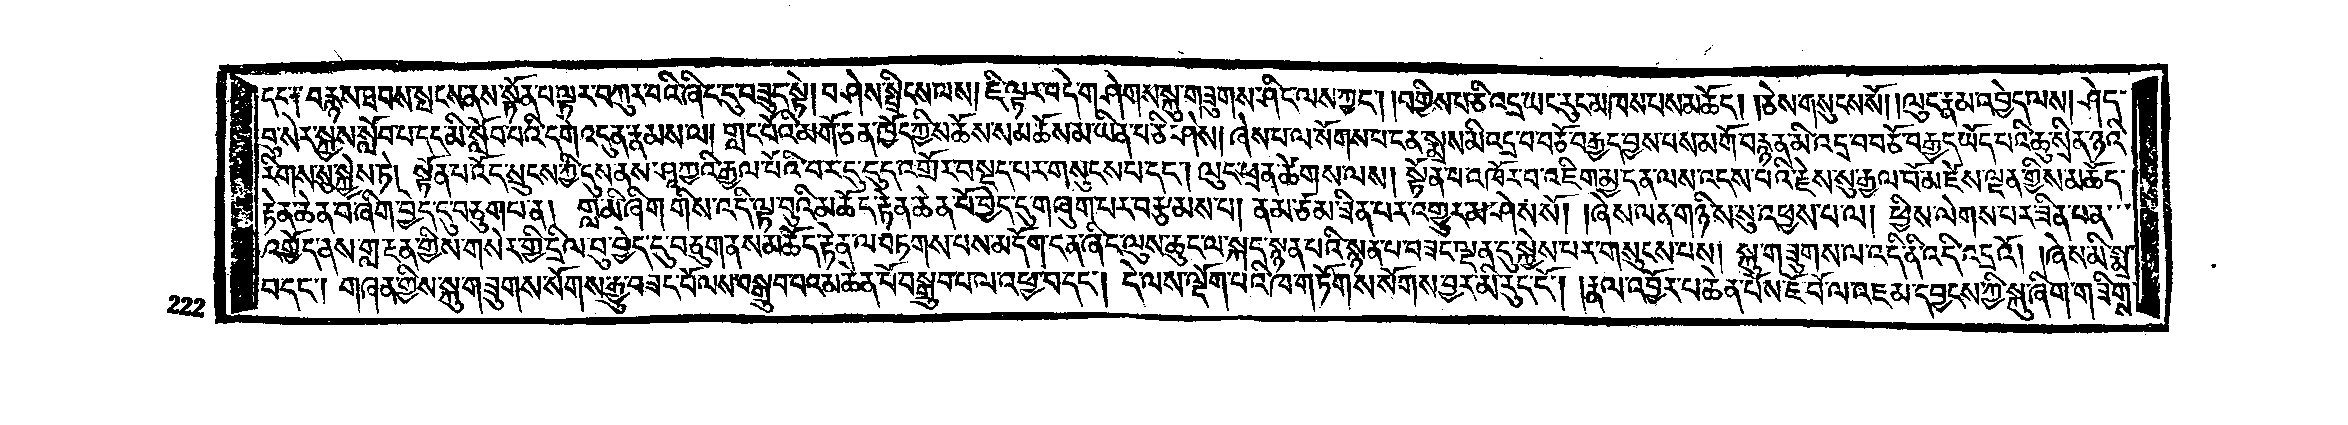དང༑ བརྙས་ཐབས་སྤངས་ནས་སྟོན་པ་ལྟར་བཀུར་བའི་ཞིང་དུ་བཟུང་སྟེ། བཤེས་སྤྲིངས་ལས། ཇི་ལྟར་བདེ་གཤེགས་སྐུ་གཟུགས་ཤིང་ལས་ཀྱང་། །བགྱིས་པ་ཅི་འདྲ་ཡང་རུང་མཁས་པས་མཆོད། །ཅེས་གསུངས་སོ། །ལུང་རྣམ་འབྱེད་ལས། ཤེད་
བུ་སེར་སྐྱས་སློབ་པ་དང་མི་སློབ་པའི་དགེ་འདུན་རྣམས་ལ། གླང་པོའི་མགོ་ཅན་ཁྱོད་ཀྱིས་ཆོས་སམ་ཆོས་མ་ཡིན་པ་ཅི་ཤེས། ཞེས་པ་ལ་སོགས་པ་ངན་སྨྲས་མི་འདྲ་བ་བཅོ་བརྒྱད་བྱས་པས་མགོ་བརྙན་མི་འདྲ་བ་བཅོ་བརྒྱད་ཡོད་པའི་ཆུ་སྲིན་ཉིད་
རིགས་སུ་སྐྱེས་ཏེ། སྟོན་པ་འོད་སྲུངས་ཀྱི་དུས་ནས་ཤཱཀྱའི་རྒྱལ་པོའི་བར་དུ་དུད་འགྲོར་བསྡད་པར་གསུངས་པ་དང་། ལུང་ཕྲན་ཚེགས་ལས། སྟོན་པ་འཁོར་བ་འཇིག་མྱ་ངན་ལས་འདས་པའི་རྗེས་སུ་རྒྱལ་པོ་མཛེས་ལྡན་གྱིས་མཆོད་
རྟེན་ཆེན་པོ་ཞིག་བྱེད་དུ་བཅུག་པ་ན། གླ་མི་ཞིག་གིས་འདི་ལྟར་བུའི་མཆོད་རྟེན་ཆེན་པོ་བྱེད་དུ་གཞུག་པར་བརྩམས་པ། ནམ་ཙམ་ཟིན་པར་འགྱུར་མ་ཤེས་སོ། །ཞེས་ལན་གཉིས་སུ་འཕྱས་པ་ལ། ཕྱིས་ལེགས་པར་ཟིན་པ་ན་
འགྱོད་ནས་གླ་རྔན་གྱིས་གསེར་གྱི་དྲིལ་བུ་བྱེད་དུ་བཞུག་ནས་མཆོད་རྟེན་ལ་བཏགས་པས་མདོག་ངན་ཞིང་ལུས་ཆུང་ལ་སྐད་སྙན་པའི་སྙན་པ་བཟང་ལྡན་དུ་སྐྱེས་པར་གསུངས་པས། སྐུ་གཟུགས་ལ་འདི་ནི་འདི་འདྲའོ། །ཞེས་མི་སྨྲ་
བ་དང་། གཞན་གྱིས་སྐུ་གཟུགས་སོགས་རྒྱུ་བཟང་བོ་ལས་བསྒྲུབ་པའམ་ཆེན་པོ་བསྒྲུབ་པ་ལ་འཕྱ་བ་དང་། དེ་ལས་ལྡོག་པའི་ཁ་གཏོགས་སོགས་བྱར་མི་རུང་ངོ། །རྣལ་འབྱོར་པ་ཆེན་པོས་ཇོ་བོ་ལ་འཇམ་དབྱངས་ཀྱི་སྐུ་ཞིག་གཟིགས་